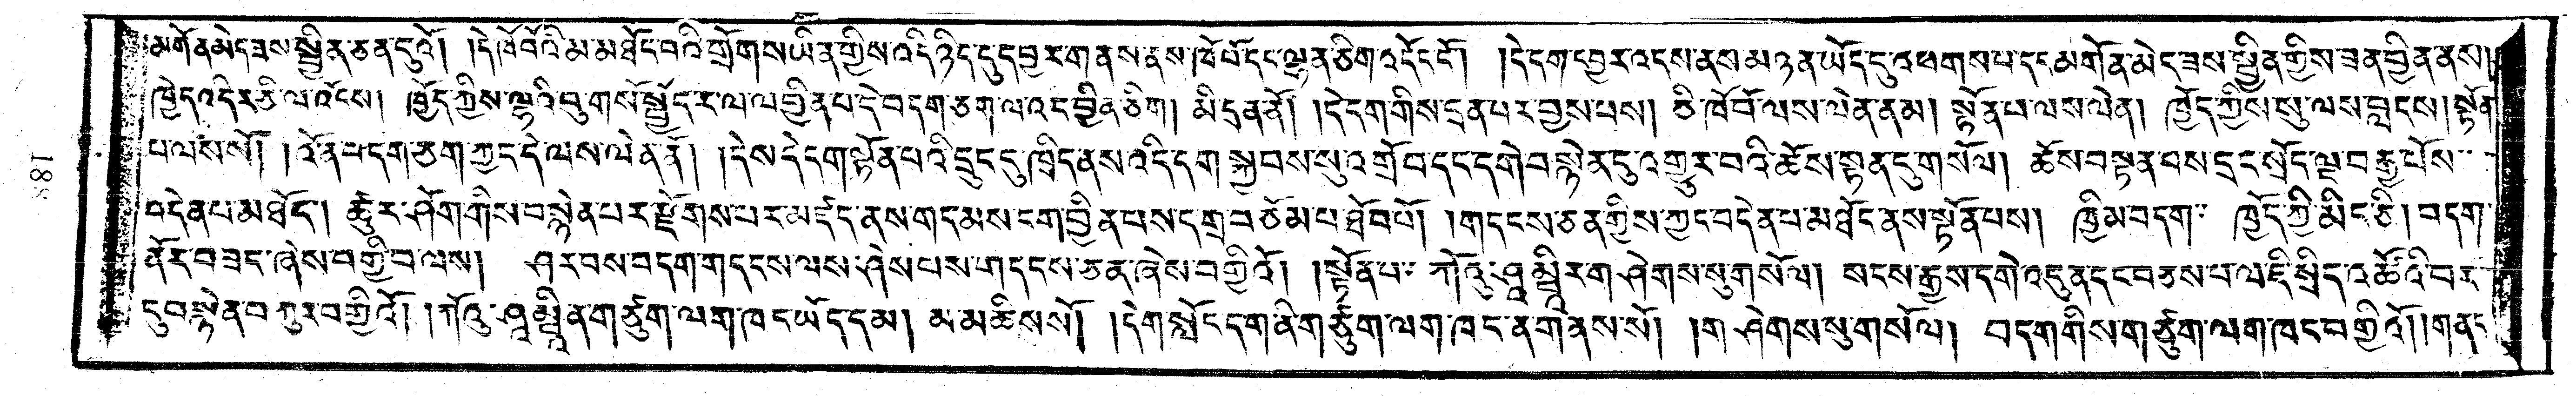མགོན་མེད་ཟས་སྦྱིན་ཅན་དུའོ། །དེ་ཁོ་བོའི་མ་མཐོང་བའི་གྲོགས་ཡིན་གྱིས་འདི་ཉིད་དུ་དབྱར་གནས་ནས་ཁོ་བོ་དང་ལྷན་ཅིག་འདོད་དོ། །དེ་དག་དབྱར་འདས་ནས་མཉན་ཡོད་དུ་འཕགས་པ་དང་མགོན་མེད་ཟས་སྦྱིན་གྱིས་ཟན་བྱིན་ནས།
ཁྱེད་འདིར་ཅི་ལ་འོངས། ཁྱོད་ཀྱིས་ལྷའི་བུ་གསོ་སྤྱོད་ར་ལ་ལ་བྱིན་པ་དེ་བདག་ཅག་ལའང་བྱིན་ཅིག། མི་དྲན་ནོ། །དེ་དག་གིས་དྲན་པར་བྱས་པས། ཅི་ཁོ་བོ་ལས་ལེན་ནམ། སྟོན་པ་ལས་ལེན། ཁྱོད་ཀྱིས་སུ་ལས་བླངས། སྟོན་
པ་ལས་སོ། །འོ་ན་བདག་ཅག་ཀྱང་དེ་ལས་ལེན་ནོ། །དེས་དེ་དག་སྟོན་པའི་དྲུང་དུ་ཁྲིད་ནས་འདི་དག་སྐྱབས་སུ་འགྲོ་བ་དང་དགེ་བསྙེན་དུ་འགྱུར་བའི་ཆོས་སྟན་དུ་གསོལ། ཆོས་བསྟན་པས་དྲང་སྲོང་ལྔ་བརྒྱ་པོས་
བདེན་པ་མཐོང་། ཚུར་ཤོག་གིས་བསྙེན་པར་རྫོགས་པར་མཛད་ནས་གདམས་ངག་བྱིན་པས་དགྲ་བཅོམ་པ་ཐོབ་བོ། །གདངས་ཅན་གྱིས་ཀྱང་བདེན་པ་མཐོང་ནས་སྟོན་པས། ཁྱིམ་བདག༑ ཁྱོད་ཀྱི་མིང་ཅི། བདག་
ནོར་བཟང་ཞེས་བགྱི་བ་ལས། ཤར་བས་བདག་གདངས་ལས་ཤེས་པས་གདངས་ཅན་ཞེས་བགྱིའོ། །སྟོན་པ༑ ཀོའུ་ཤཱམྦཱིར་གཤེགས་སུ་གསོལ། སངས་རྒྱས་དགེ་འདུན་དང་བཅས་པ་ལ་ཇི་སྲིད་འཚོའི་བར་
དུ་བསྙེན་བཀུར་བགྱིའོ། །ཀོའུ་ཤཱམྦཱི་ན་གཙུག་ལག་ཁང་ཡོད་དམ། མ་མཆིས་སོ། །དགེ་སློང་དག་ནི་གཙུག་ལག་ཁང་ན་གནས་སོ། །གཤེགས་སུ་གསོལ། བདག་གིས་གཙུག་ལག་ཁང་བགྱིའོ། །གནང་